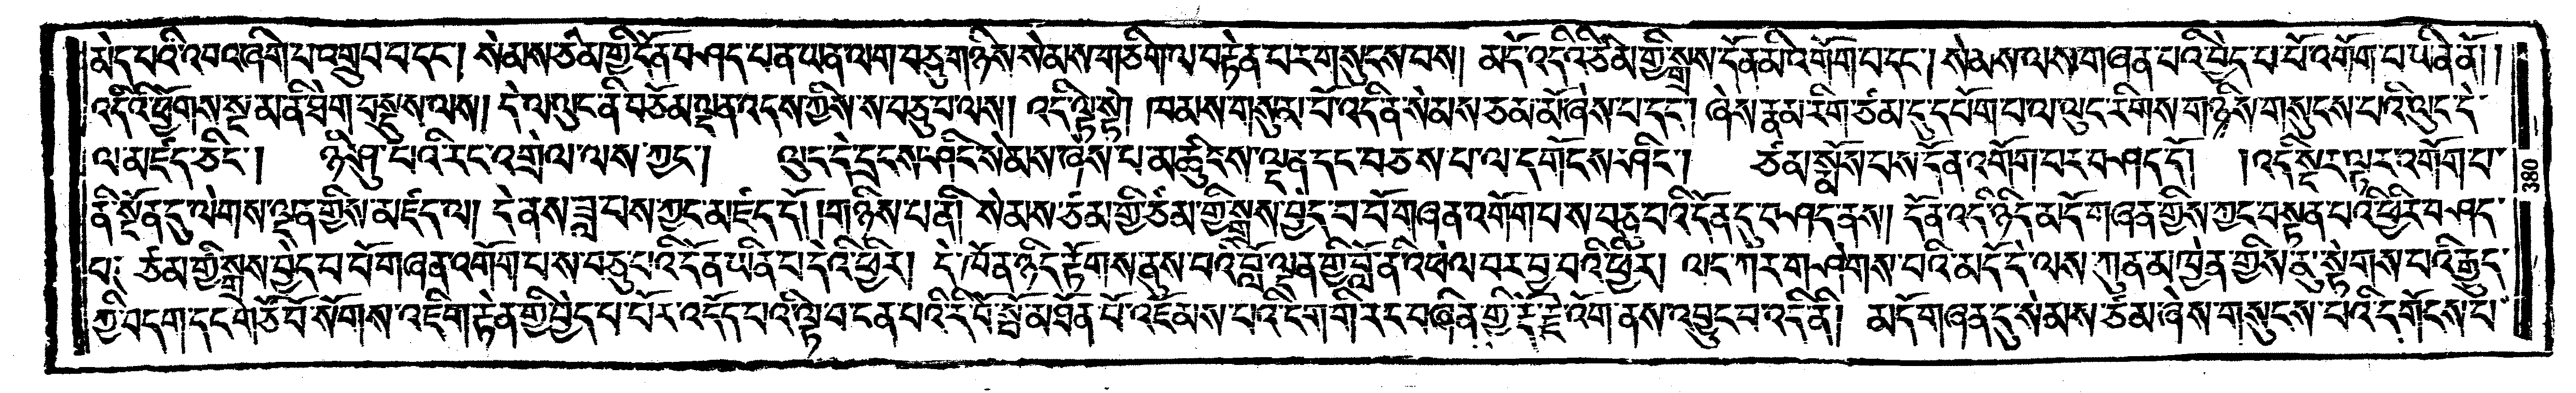མེད་པའི་འབའ་ཞིག་པ་འགྲུབ་པ་དང་། སེམས་ཙམ་གྱི་དོན་བཤད་པ་ན་ཡན་ལག་བཅུ་གཉིས་སེམས་གཅིག་ལ་བརྟེན་པར་གསུངས་པས། མདོ་འདིའི་ཙམ་གྱི་སྒྲས་དོན་མི་འགོག་པ་དང་། སེམས་ལས་གཞན་པའི་བྱེད་པ་པོ་འགོག་པ་ཡིན་ནོ།།
འདིའི་ཕྱོགས་སྔ་མ་ནི་ཐེག་བསྡུས་ལས། དེ་ལ་ལུང་ནི་བཅོམ་ལྡན་འདས་ཀྱིས་ས་བཅུ་པ་ལས། འདི་ལྟ་སྟེ། ཁམས་གསུམ་པོ་འདི་ནི་སེམས་ཙམ་མོ་ཞེས་པ་དང་། ཞེས་རྣམ་རིག་ཙམ་དུ་དཔོག་པ་ལ་ལུང་རིགས་གཉིས་གསུངས་པའི་ལུང་དེ་
ལ་མཛད་ཅིང་། ཉི་ཤུ་པའི་རང་འགྲེལ་ལས་ཀྱང་། ལུང་དེ་དྲངས་ཤིང་སེམས་ཞེས་པ་མཚུངས་ལྡན་དང་བཅས་པ་ལ་དགོངས་ཤིང་། ཙམ་སྨོས་པས་དོན་འགོག་པར་བཤད་དོ། །འདི་སྔར་ལྟར་འགོག་པ་
ནི་སྔོན་དུ་ལེགས་ལྡན་གྱིས་མཛད་ལ། དེ་ནས་ཟླ་བས་ཀྱང་མཛད་དོ། །གཉིས་པ་ནི། སེམས་ཙམ་གྱི་ཙམ་གྱི་སྒྲས་བྱེད་པ་པོ་གཞན་འགོག་པ་ས་བཅུ་པའི་དོན་དུ་བཤད་ནས། དོན་འདི་ཉིད་མདོ་གཞན་གྱིས་ཀྱང་བསྟན་པའི་ཕྱིར་བཤད་
པ༑ ཙམ་གྱི་སྒྲས་བྱེད་པ་པོ་གཞན་འགོག་པ་ས་བཅུ་པའི་དོན་ཡིན་པ་དེའི་ཕྱིར། དེ་ཁོ་ན་ཉིད་རྟོགས་ནུས་པའི་བློ་ལྡན་གྱི་བློ་ནི་འཕེལ་བར་བྱ་བའི་ཕྱིར། ལང་ཀར་གཤེགས་པའི་མདོ་དེ་ལས་ཀུན་མཁྱེན་གྱིས་མུ་སྟེགས་པའི་རྒྱུད་
ཀྱི་བདག་དང་གཙོ་བོ་སོགས་འཇིག་རྟེན་གྱི་བྱེད་པ་པོར་འདོད་པའི་ལྟ་བ་ངན་པའི་རི་བོ་སྤོ་མཐོན་པོ་འཇོམས་པའི་ངག་གི་རང་བཞིན་གྱི་རྡོ་རྗེ་འོག་ནས་འབྱུང་བ་འདི་ནི། མདོ་གཞན་དུ་སེམས་ཙམ་ཞེས་གསུངས་པའི་དགོངས་པ་